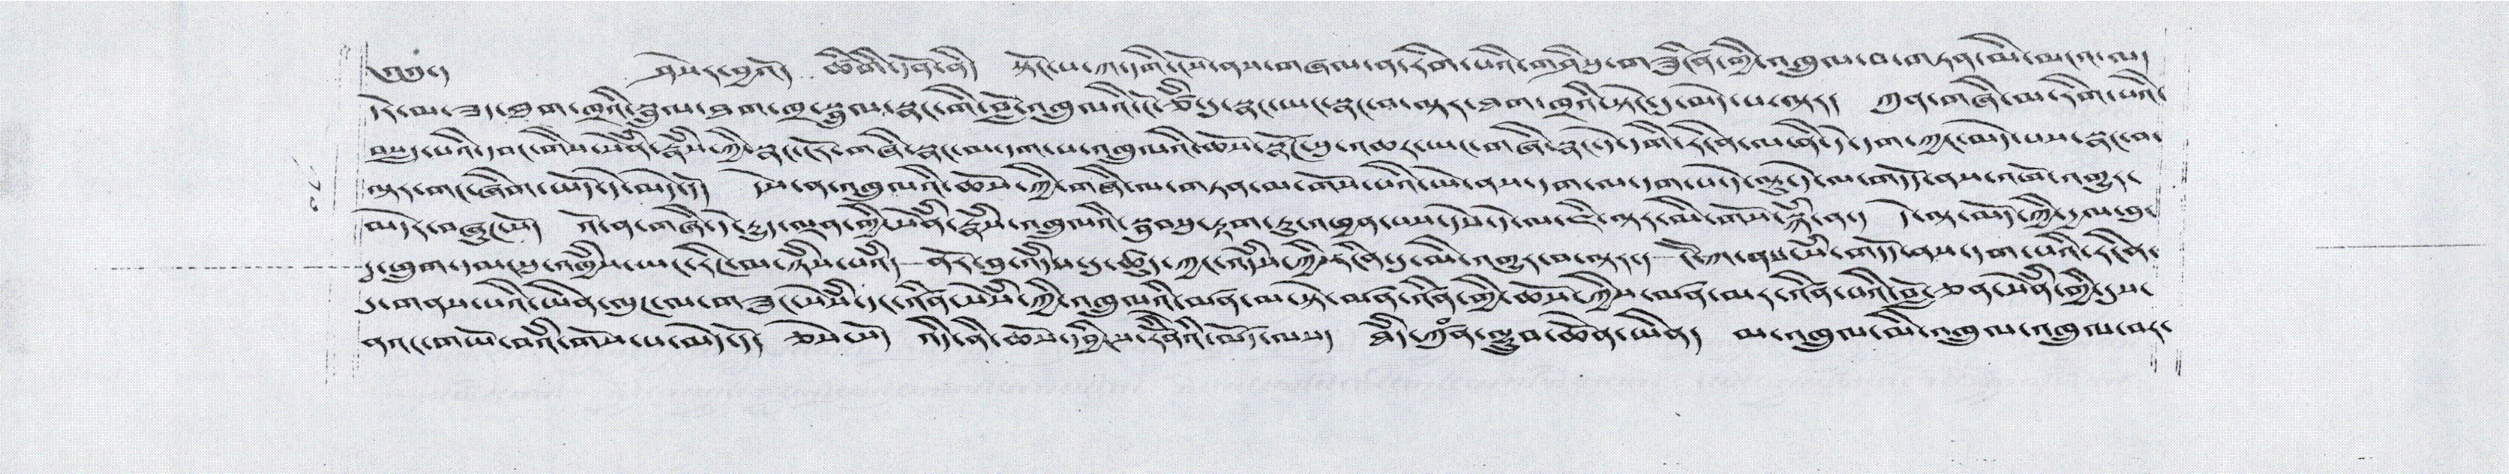ཤེས་པར་བྱའོ། ཚིག་དོན་ནི་སྟོང་པ་ཀ་དག་གི་ངོས་ནས་གཞལ་ན་རིག་པའི་གཤིས་སུ་གཟུང་འཛིན་གྱི་འཁྲུལ་པ་གཏན་མི་མངའ་ལ། 
དེར་མ་ཟད་ཐག་ཁྲའི་སྦྲུལ་ཐག་ཁྲ་སྦྲུལ་སྣང་གི་བློ་འཁྲུལ་པའི་ངོ་ཙམ་དུ་སྣང་ཡང་སྣང་བ་ལྟར་ཐག་ཁྲའི་སྟེང་དུ་མེད་པ་ལྟར། ཀུན་གཞི་མ་རིག་པས་
བསླད་པའི་དབང་གིས་སེམས་ཅན་རྣམས་ཀྱི་སྣང་ངོར་གཞི་སྣང་མ་དག་པ་འཁྲུལ་པའི་ཆོས་སྣ་ཚོགས་སུ་འཆར་ཡང་གཞི་སྣང་དེ་དག་གི་རང་བཞིན་གཞི་དེ་དག་ཀྱང་མེད་པས་སྣང་བ་
ལྟར་གང་ཞིག་ཡོད་དེ་མེད་དོ། དེས་ན་འཁྲུལ་པའི་ཆོས་ཀྱི་གཞི་ལ་གཏན་མ་གོས་པའི་ཡེ་ནས་དག་མ་དག་པ་དེ་ལྟ་བུ་དེ་ལ་གདོད་ནས་འཕོ་འགྱུར་
མེད་པར་བཞུགས་སོ། འོ་ན་གཞི་དེ་རྒྱུད་ལྡན་གྱི་སེམས་ཅན་རྣམས་འཁྲུལ་པའི་སྦུབས་སུ་རྟག་ཏུ་འཕྱན་པས་དེ་ལ་ཇི་ལྟར་མི་དགོས་སྙམ་ན། དེ་ལྟ་མོད་ཀྱི་རྒྱལ་བུ་
དྭ་ཕྲུག་དམངས་སུ་འཁྱམས་ཡང་རིགས་མ་ཉམས་པའམ། ནོར་བུ་འདམ་དུ་ཚུད་ཀྱང་འདམ་གྱི་རང་བཞིན་དུ་མི་འགྱུར་བ་ལྟར། ངོ་བོ་ཀ་ནས་དག་པའམ་གདོད་ནས་དག་པའི་རང་བཞིན་
དུ་གནས་པའི་ཡིན་ལུགས་ལ་གཟུང་སེམས་དང་འཛིན་སེམས་ཀྱི་འཁྲུལ་པའི་མཚན་མ་སྟེ་མཚན་འཛིན་གྱི་ཆོས་ཀྱིས་མཚན་མར་འཛིན་པའི་བློ་ཅན་སེམས་ཅན་གྱི་དུས་
ནའང་གཡོ་བའི་གོས་པ་མེད་དོ། ཅེས་སོ། འདི་ནི་ཆོས་དབྱིངས་རིན་པོ་ཆེའི་མཛོད་ལས། ཐམས་ཅད་སྐུ་གསུམ་ལྷུན་གྲུབ་ཆེན་པོ་ཡིན། མ་འཁྲུལ་མི་འཁྲུལ་འཁྲུལ་པར་